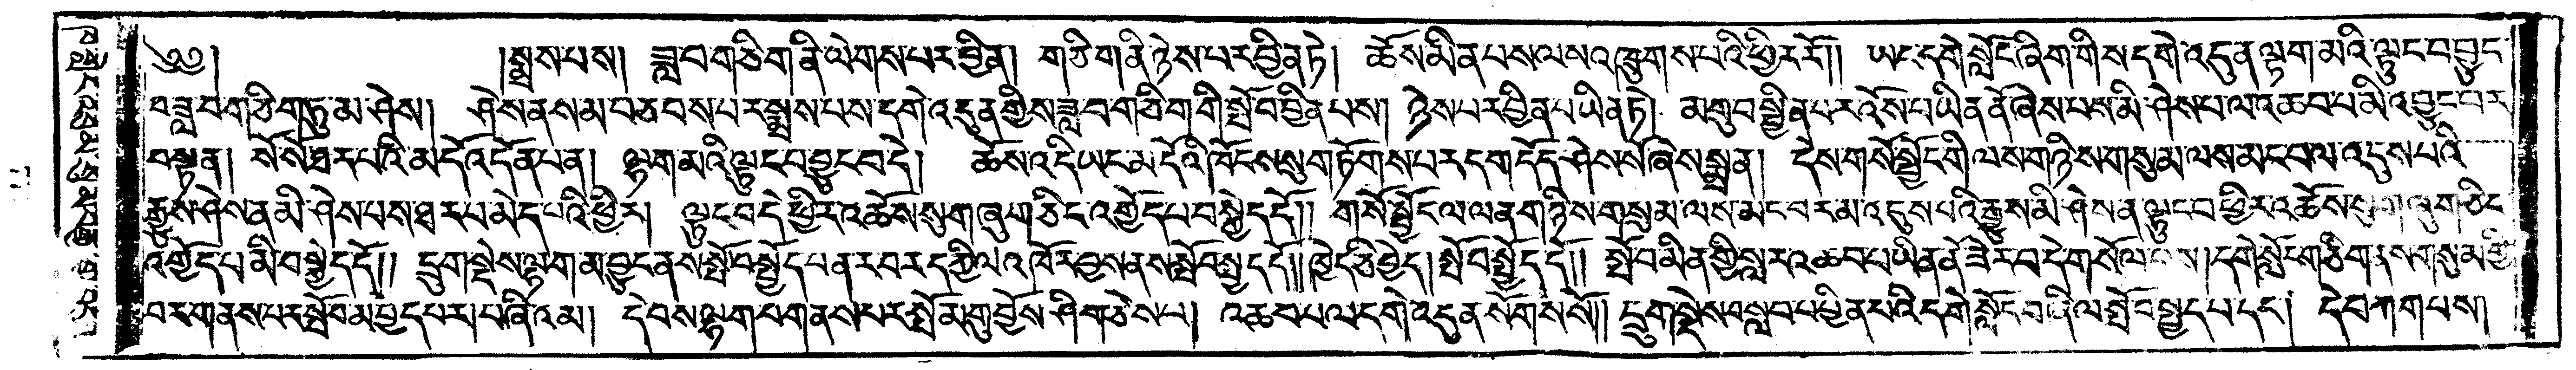༄༅། །སྨྲས་པས། ཟླ་བ་གཅིག་ནི་ལེགས་པར་བྱིན། གཅིག་ནི་ཉེས་པར་བྱིན་ཏེ། ཆོས་མིན་པས་ལས་འཁྲུགས་པའི་ཕྱིར་རོ།། ཡང་དགེ་སློང་ཞིག་གིས་དགེ་འདུན་ལྷག་མའི་ལྟུང་བ་བྱུང་
བཟླ་བ་གཅིག་ཏུ་མ་ཤེས། ཤེས་ནས་མ་བཅབས་པར་སྨྲས་པས་དགེ་འདུན་གྱིས་ཟླ་བ་གཅིག་གི་སྤོ་བ་བྱིན་པས། ཉེས་པར་བྱིན་པ་ཡིན་ཏེ། མགུ་བ་སྦྱིན་པར་འོས་པ་ཡིན་ནོ་ཞེས་པས་མི་ཤེས་པ་ལ་འཆབ་པ་མི་འབྱུང་བར་
བསྟན། སོ་སོ་ཐར་པའི་མདོ་འདོན་པ་ན། ལྷག་མའི་ལྟུང་བ་བྱུང་བ་དེ། ཆོས་འདི་ཡང་མདོའི་ཁོངས་སུ་གཏོགས་པར་དག་དོད་ཤེས་སོ་ཞེས་སྨྲན། དེས་གསོ་སྦྱོང་གི་ལས་གཉིས་གསུམ་ལས་མང་བ་ལ་འདུས་པའི་
རྒྱུས་ཤེས་ན་མི་ཤེས་པས་ཐར་པ་མེད་པའི་ཕྱིར། ལྟུང་བ་དེ་ཕྱིར་འཆོས་སུ་གཞུག་ཅིང་འགྱོད་པ་བསྐྱེད་དོ།། གསོ་སྦྱོང་ལ་ལན་གཉིས་གསུམ་ལས་མང་བར་མ་འདུས་པའི་རྒྱུས་མི་ཤེས་ན་ལྟུང་བ་ཕྱིར་འཆོས་སུ་གཞུག་ཅིང་
འགྱོད་པ་མི་བསྐྱེད་དོ།། དྲུག་སྡེས་ལྷག་མ་བྱུང་ནས་སྤོ་བ་སྤྱོད་པ་ན་ར་བར་དཀྱིལ་འཁོར་བྱས་ནས་སྤོ་བ་སྤྱད་དོ། །ཁྱེད་ཅི་བྱེད། སྤོ་བ་སྤྱོད་དོ།། སྤོ་བ་མིན་གྱི་སླར་འཆབ་པ་ཡིན་ནོ་ཟེར་བ་དེ་གསོལ་བས། དགེ་སློང་གཅིག་ནས་གསུམ་གྱི་
བར་གནས་པར་སྤོ་བ་མ་བྱེད་པར། བཞི་འམ། དེ་བས་ལྷག་པ་གནས་པར་སྤོ་མགུ་བྱོས་ཤིག་ཅེས་པ། འཆབ་པ་ལ་དགེ་འདུན་སོགས་སོ།། དྲུག་སྡེས་བསླབ་པ་བྱིན་པའི་དགེ་སློང་བཞི་ལ་སྤོ་བ་སྤྱད་པ་དང་། དེ་བཀག་པས།